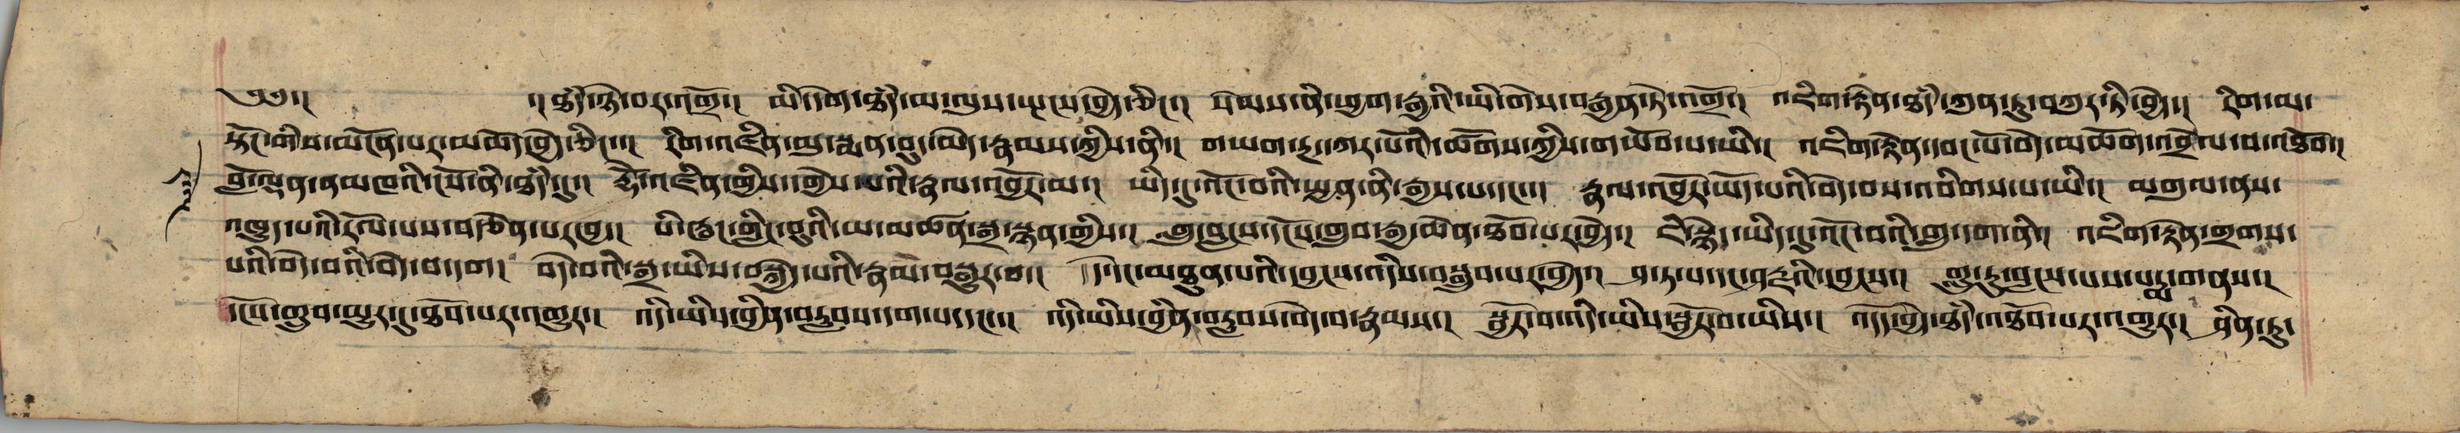༄༅་། ་།ཐཾད་ཉེ་བར་འགྲོ་། མི་དགེ་ཐཾད་མ་ལུས་སྤངས་བྱེད་ཅིང་། སེམས་ནི་ཕྱག་རྒྱའི་ཡི་གེས་བརྒྱན་ཏེ་འགྲོ་། འཇིག་རྟེན་ཐཾད་ཀུན་ཏུ་བཀུར་ཏི་བྱེད་། རིག་མ་
སྟིང་གིས་མངོན་པར་མཆོད་བྱེད་ཅིང་་། རིག་འཛིན་མུ་སྨན་བུད་མེད་རྣམས་ཀྱིས་ནི་། གཡག་རྔ་དཀར་པོའི་ཚོགས་ཀྱིས་གཡོབ་པ་ཡི་། འཇིག་རྟེན་དབང་པོ་བདེ་མཆོག་འབྲེལ་བ་འཐོབ་།
བློ་ལྡན་ནམཁའི་ངོས་ནི་ཐཾད་དུ་། རྡོེ་འཛིན་གྱིས་དགྱེས་པའི་རྣལ་འབྱོར་མ་། ཡིད་དུ་འོང་བའི་སྤྱན་ནི་རྒྱས་པ་དང་་། རྣལ་འབྱོར་ཡོད་པའི་བདེ་བས་འབིགས་པ་ཡི་། མགུལ་ནས་
འཁྱུད་པའི་རོལ་པས་བརྩེན་པར་བྱ་། པི་ཝང་གླིང་བུའི་ཡ་མཚན་སྒྲ་སྙན་གྱིས་། གླུ་བླངས་དངོས་གྲུབ་རྒྱ་ཆེན་ཐོབ་པར་བྱེད་། ཇི་སྙེད་ཡིད་དུ་འོང་བའི་གླུ་དག་ནི་། འཇིག་རྟེན་གྲགས་
པའི་བདེ་བའི་བདེ་བ་དག། བདེ་བའི་སྒྲ་ཡིས་བསྐྱེད་པའི་རྣམ་བསྒྱུར་བ་། དེ་དང་མཐུན་པའི་དབྱངས་འདིས་བསྒྲུབ་པར་བྱེད་། ཤ་ཏ་པ་དང་ཤརྗའི་དབྱངས་། གླུ་རུ་བླངས་པས་པདྨ་གནས་།
དངོས་གྲུབ་མྱུར་དུ་ཐོབ་པར་འགྱུར་། འདི་ཡིས་བྱིན་བརླབས་དག་པ་དང་་། འདི་ཡིས་བྱིན་བརླབས་བདེ་བ་རྣམས་། སྦྱོར་བ་འདི་ཡིས་སྦྱོར་བ་ཡིས་། འདོད་བྱེད་ཐཾད་འཐོབ་པར་འགྱུར་། ཤིན་ཏུ་